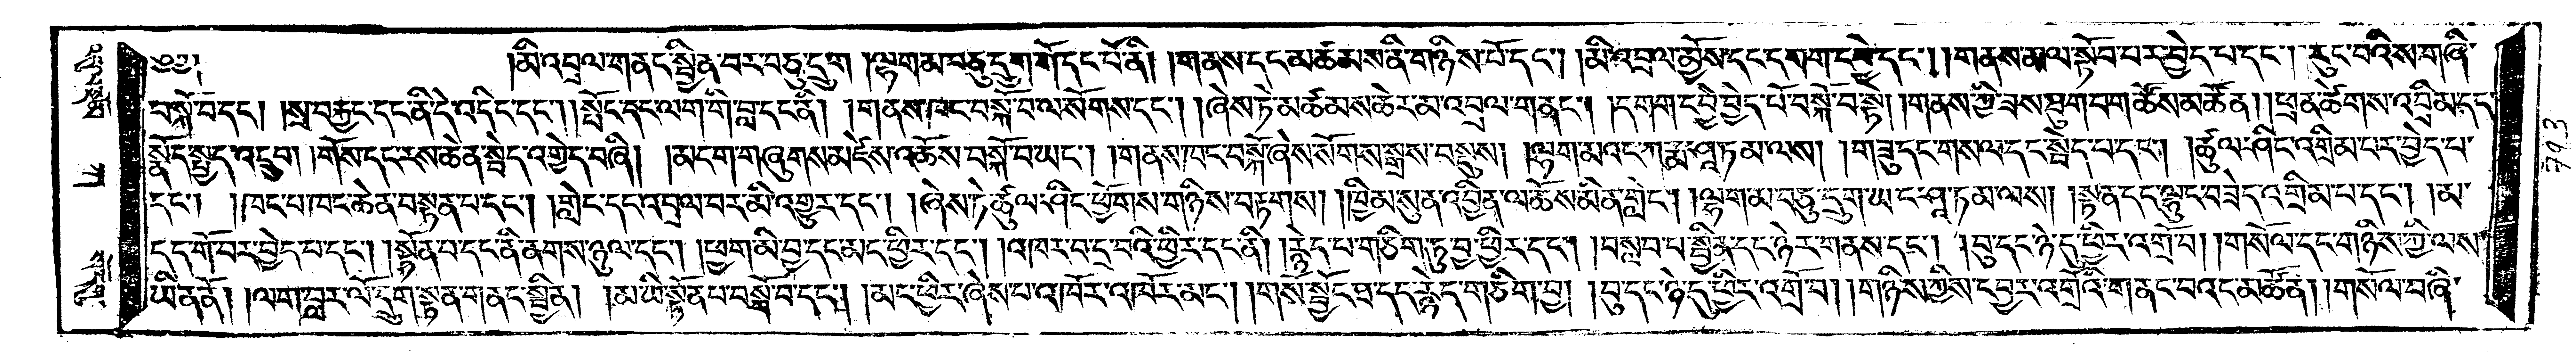༄༅། །མི་འབྲལ་གནང་སྦྱིན་བར་བཅུ་དྲུག །ལྷག་མ་བཅུ་དྲུག་གོ་དང་པོ་ནི། །གནས་དང་མཚམས་ནི་གཉིས་པོ་དང་། །མི་འབྲལ་མྱོས་དང་དགག་དབྱེ་དང་། །གནས་མལ་སྟོབ་པར་བྱེད་པ་དང་། །རུང་བའི་ས་གཞི་
བསྐོ་བ་དང་། །སྲ་བརྐྱང་དང་ནི་དེ་འདིང་དང་། །སྤོང་དང་ལག་གི་བླ་དང་ནི། །གནས་ཁང་བསྐོ་བ་ལ་སོགས་དང་། །ཞེས་ཏེ་མཚམས་ཆེར་མ་འབྲལ་གནང་། །དགག་དབྱེ་བྱེད་པོ་བསྐོ་བ་སྟེ། །གནས་ཀྱི་ཟས་ཐུག་བག་ཚོས་མཚོན། །ཕྲན་ཚེགས་འབྲིམ་དང་
སྣོད་སྤྱད་འདྲུབ། །གོས་དང་རས་ཆེན་སྦེད་འགྱེད་བཞི། །མངག་གཞུགས་མཛེས་འཆོས་བསྐོ་བ་ཡང་། །གནས་ཁང་བསྐོ་ཞེས་སོགས་སྒྲས་བསྡུས། །ལྷག་མའང་ཀརྨ་ཤའཏ་མ་ལས། །གཟུ་དང་གསལ་དང་སྦེད་བ་དང་། །ཚུལ་ཤིང་འགྲིམ་པར་བྱེད་པ་
དང་། །ཁང་པ་ཁང་ཆེན་བསྟན་པ་དང་། །གླེང་དང་འབྲལ་བར་མི་འགྱུར་དང་། །ཞེས་ཏེ་ཚུལ་ཤིང་ཕྱོགས་གཉིས་བརྟགས། །ཁྱིམ་སུན་འབྱིན་ལ་ཆོས་མིན་གླེང་། །ལྷག་མ་བཅུ་དྲུག་ཡང་ཤཱ་ཏ་མ་ལས། །སྟན་དང་ལྷུང་བཟེད་འགྲིམ་པ་དང་། །མ་
དད་གོ་བར་བྱེད་པ་དང་། །སྟོན་པ་དང་ནི་ནགས་ཉུལ་དང་། །ཕྱག་མི་བྱ་དང་མང་ཕྱིར་དང་། །འཁར་བ་དྲ་བའི་ཕྱིར་དང་ནི། །རྙེད་པ་གཅིག་ཏུ་བྱ་ཕྱིར་དང་། །བསླབ་པ་སྦྱིན་དང་ཉེར་གནས་དང་། །བུ་དང་ཉེ་དུ་ཕྱིར་འགྲོ་བ། །གསལ་དང་གཉིས་ཀྱི་ལས་
ཡིན་ནོ། །ལག་བླར་ལོ་དྲུག་སྟན་གནང་སྦྱིན། །མ་ཡི་སྟོན་པ་བསྐོ་བ་དང་། །མང་ཕྱིར་ཞེས་པ་འཁོར་འཁོར་མང་། །གསོ་སྦྱོང་ཐ་དད་རྙེད་གཅིག་བྱ། །བུ་དང་ཉེ་དུ་ཕྱིར་འགྲོ་བ། །གཉིས་ཀྱིས་དབྱར་འགྲོའི་གནང་བའང་མཚོན། །གསོལ་བཞི་